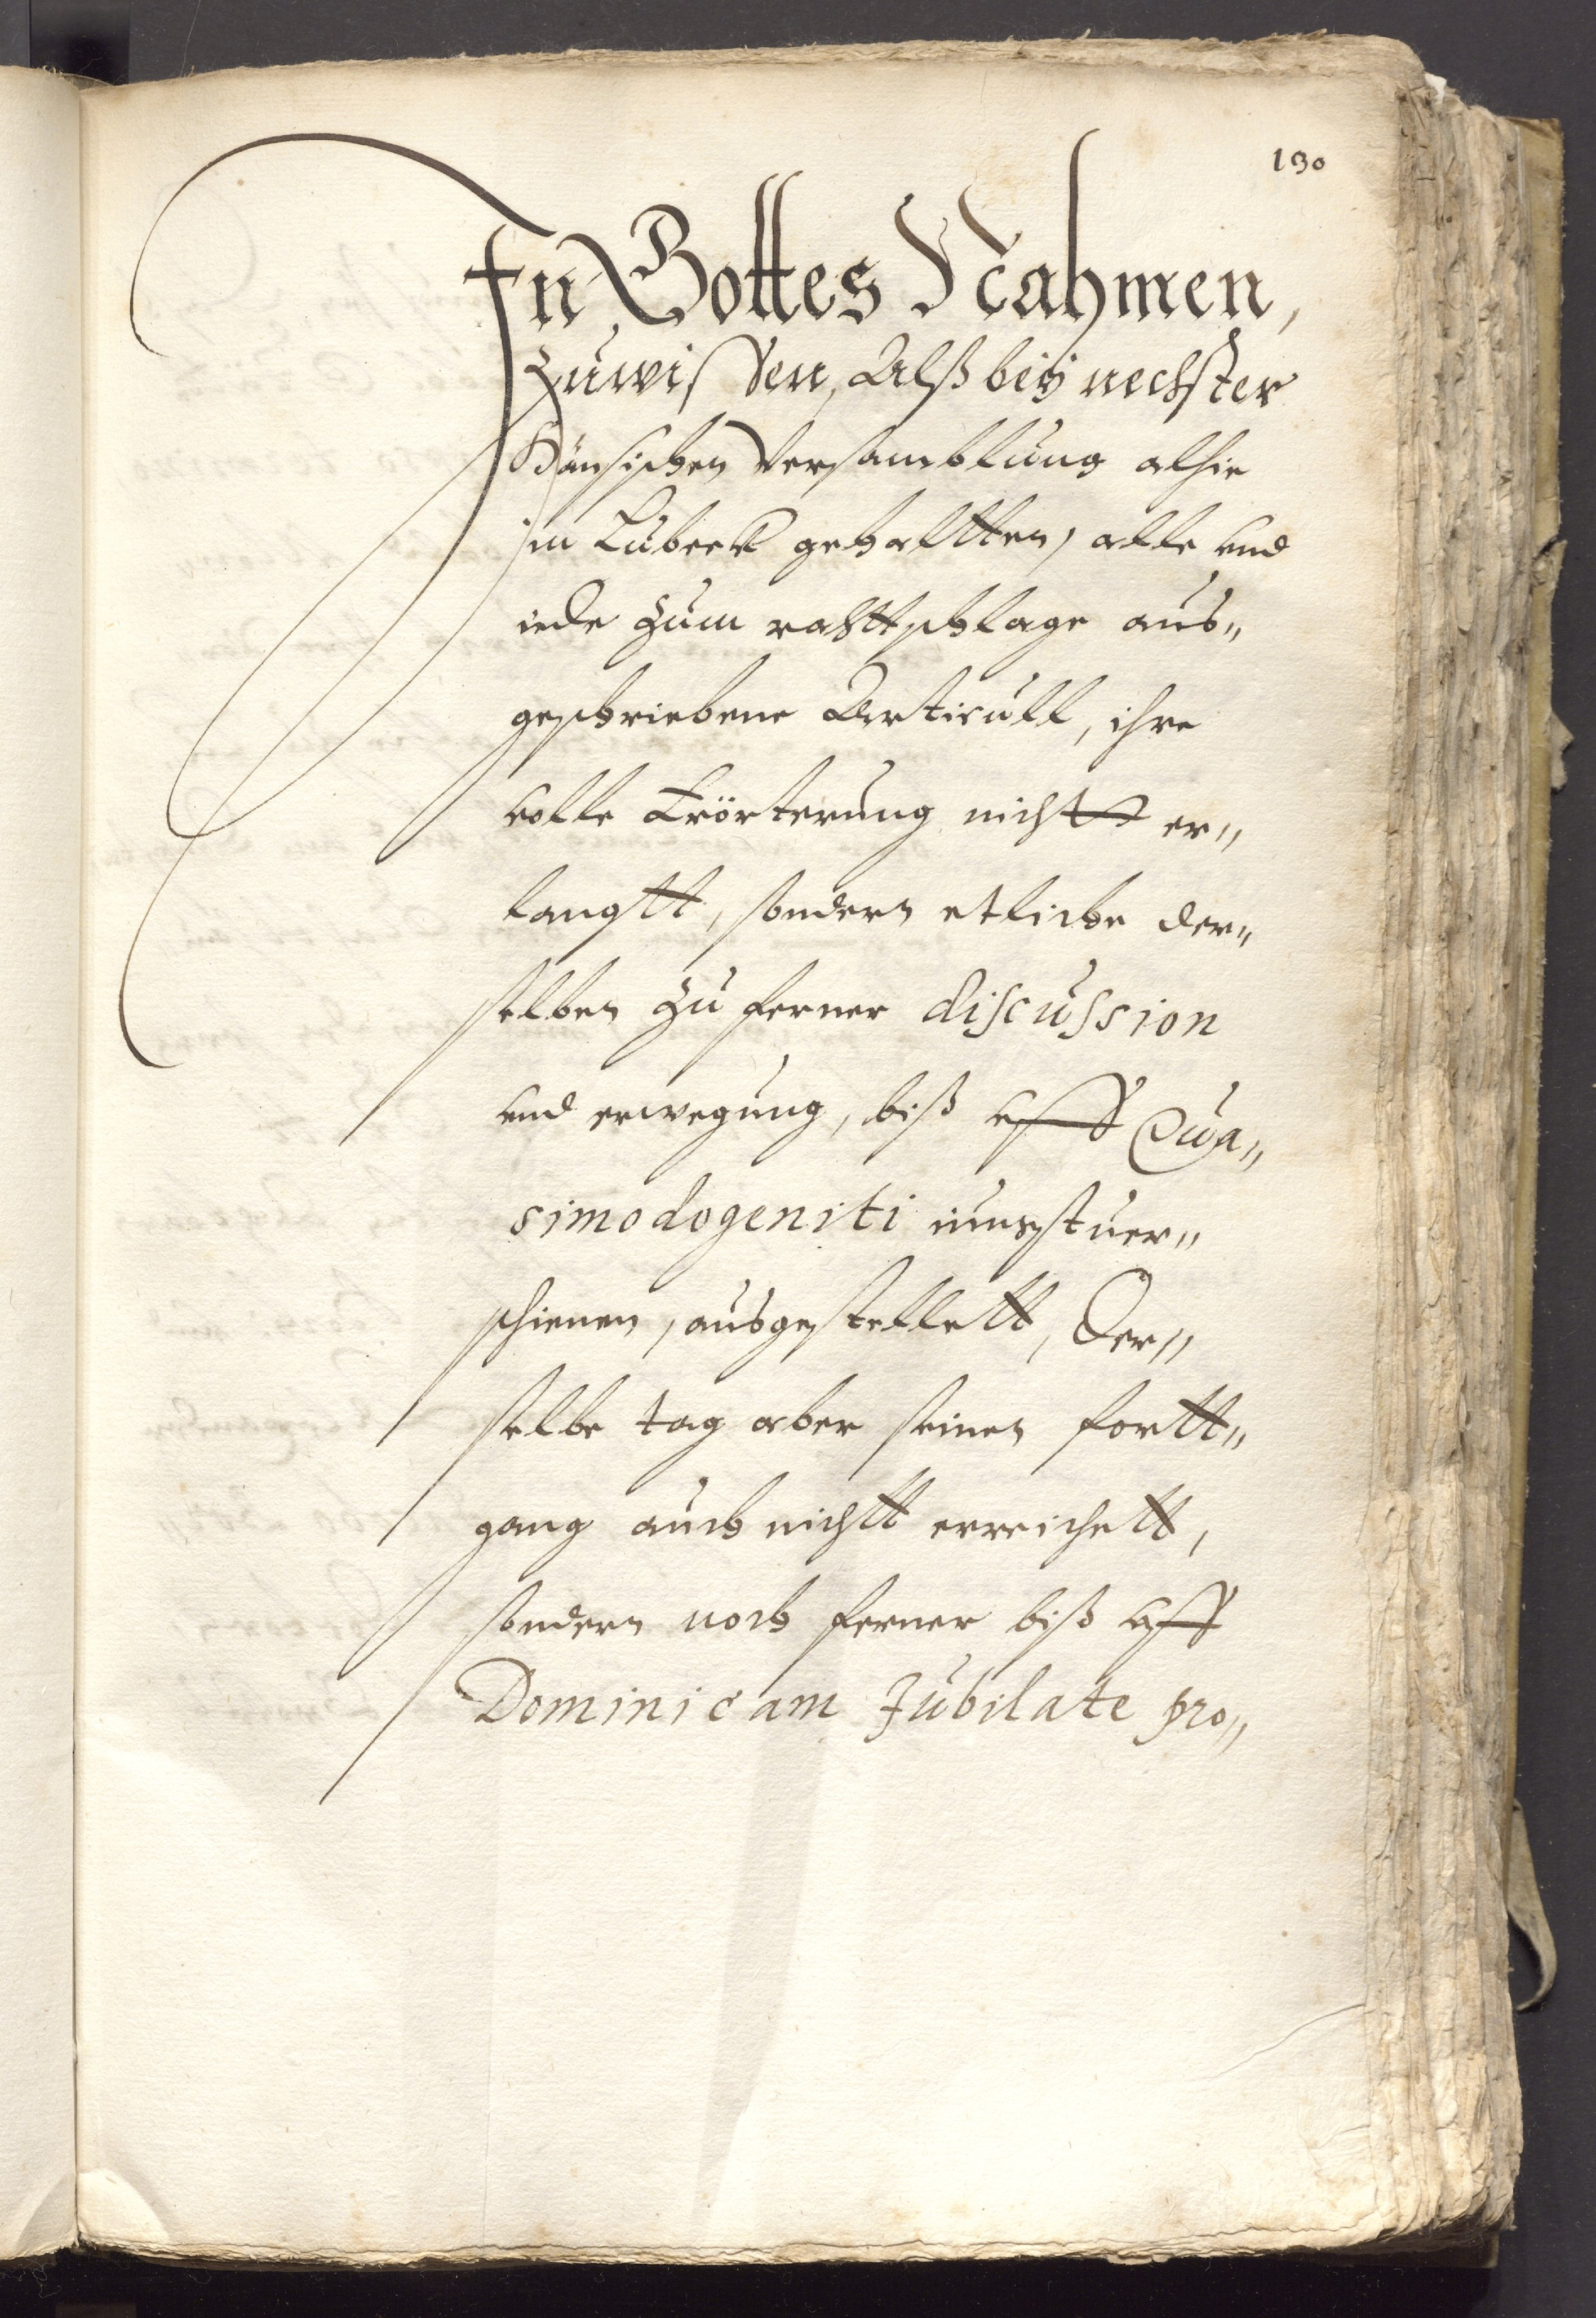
130
In Gottes Nahmen,
zuwissen, alß beij nechster
Hänsischen Versamblung alhie
in Lubeck gehaltten, alle vnd
iede zum rahttschlage aus¬
geschriebene Articull, ihre
volle Erörterung nichtt er¬
langtt, sondern etliche der¬
selben zu ferner discussion
vnd erwegung, biß vff qua¬
simodogeniti iungstuer¬
schienen, ausgestellett, der¬
selbe tag aber seinen fortt¬
gang auch nichtt erreichett,
sondern noch ferner biß vff
Dominicam Jubilate pro¬
